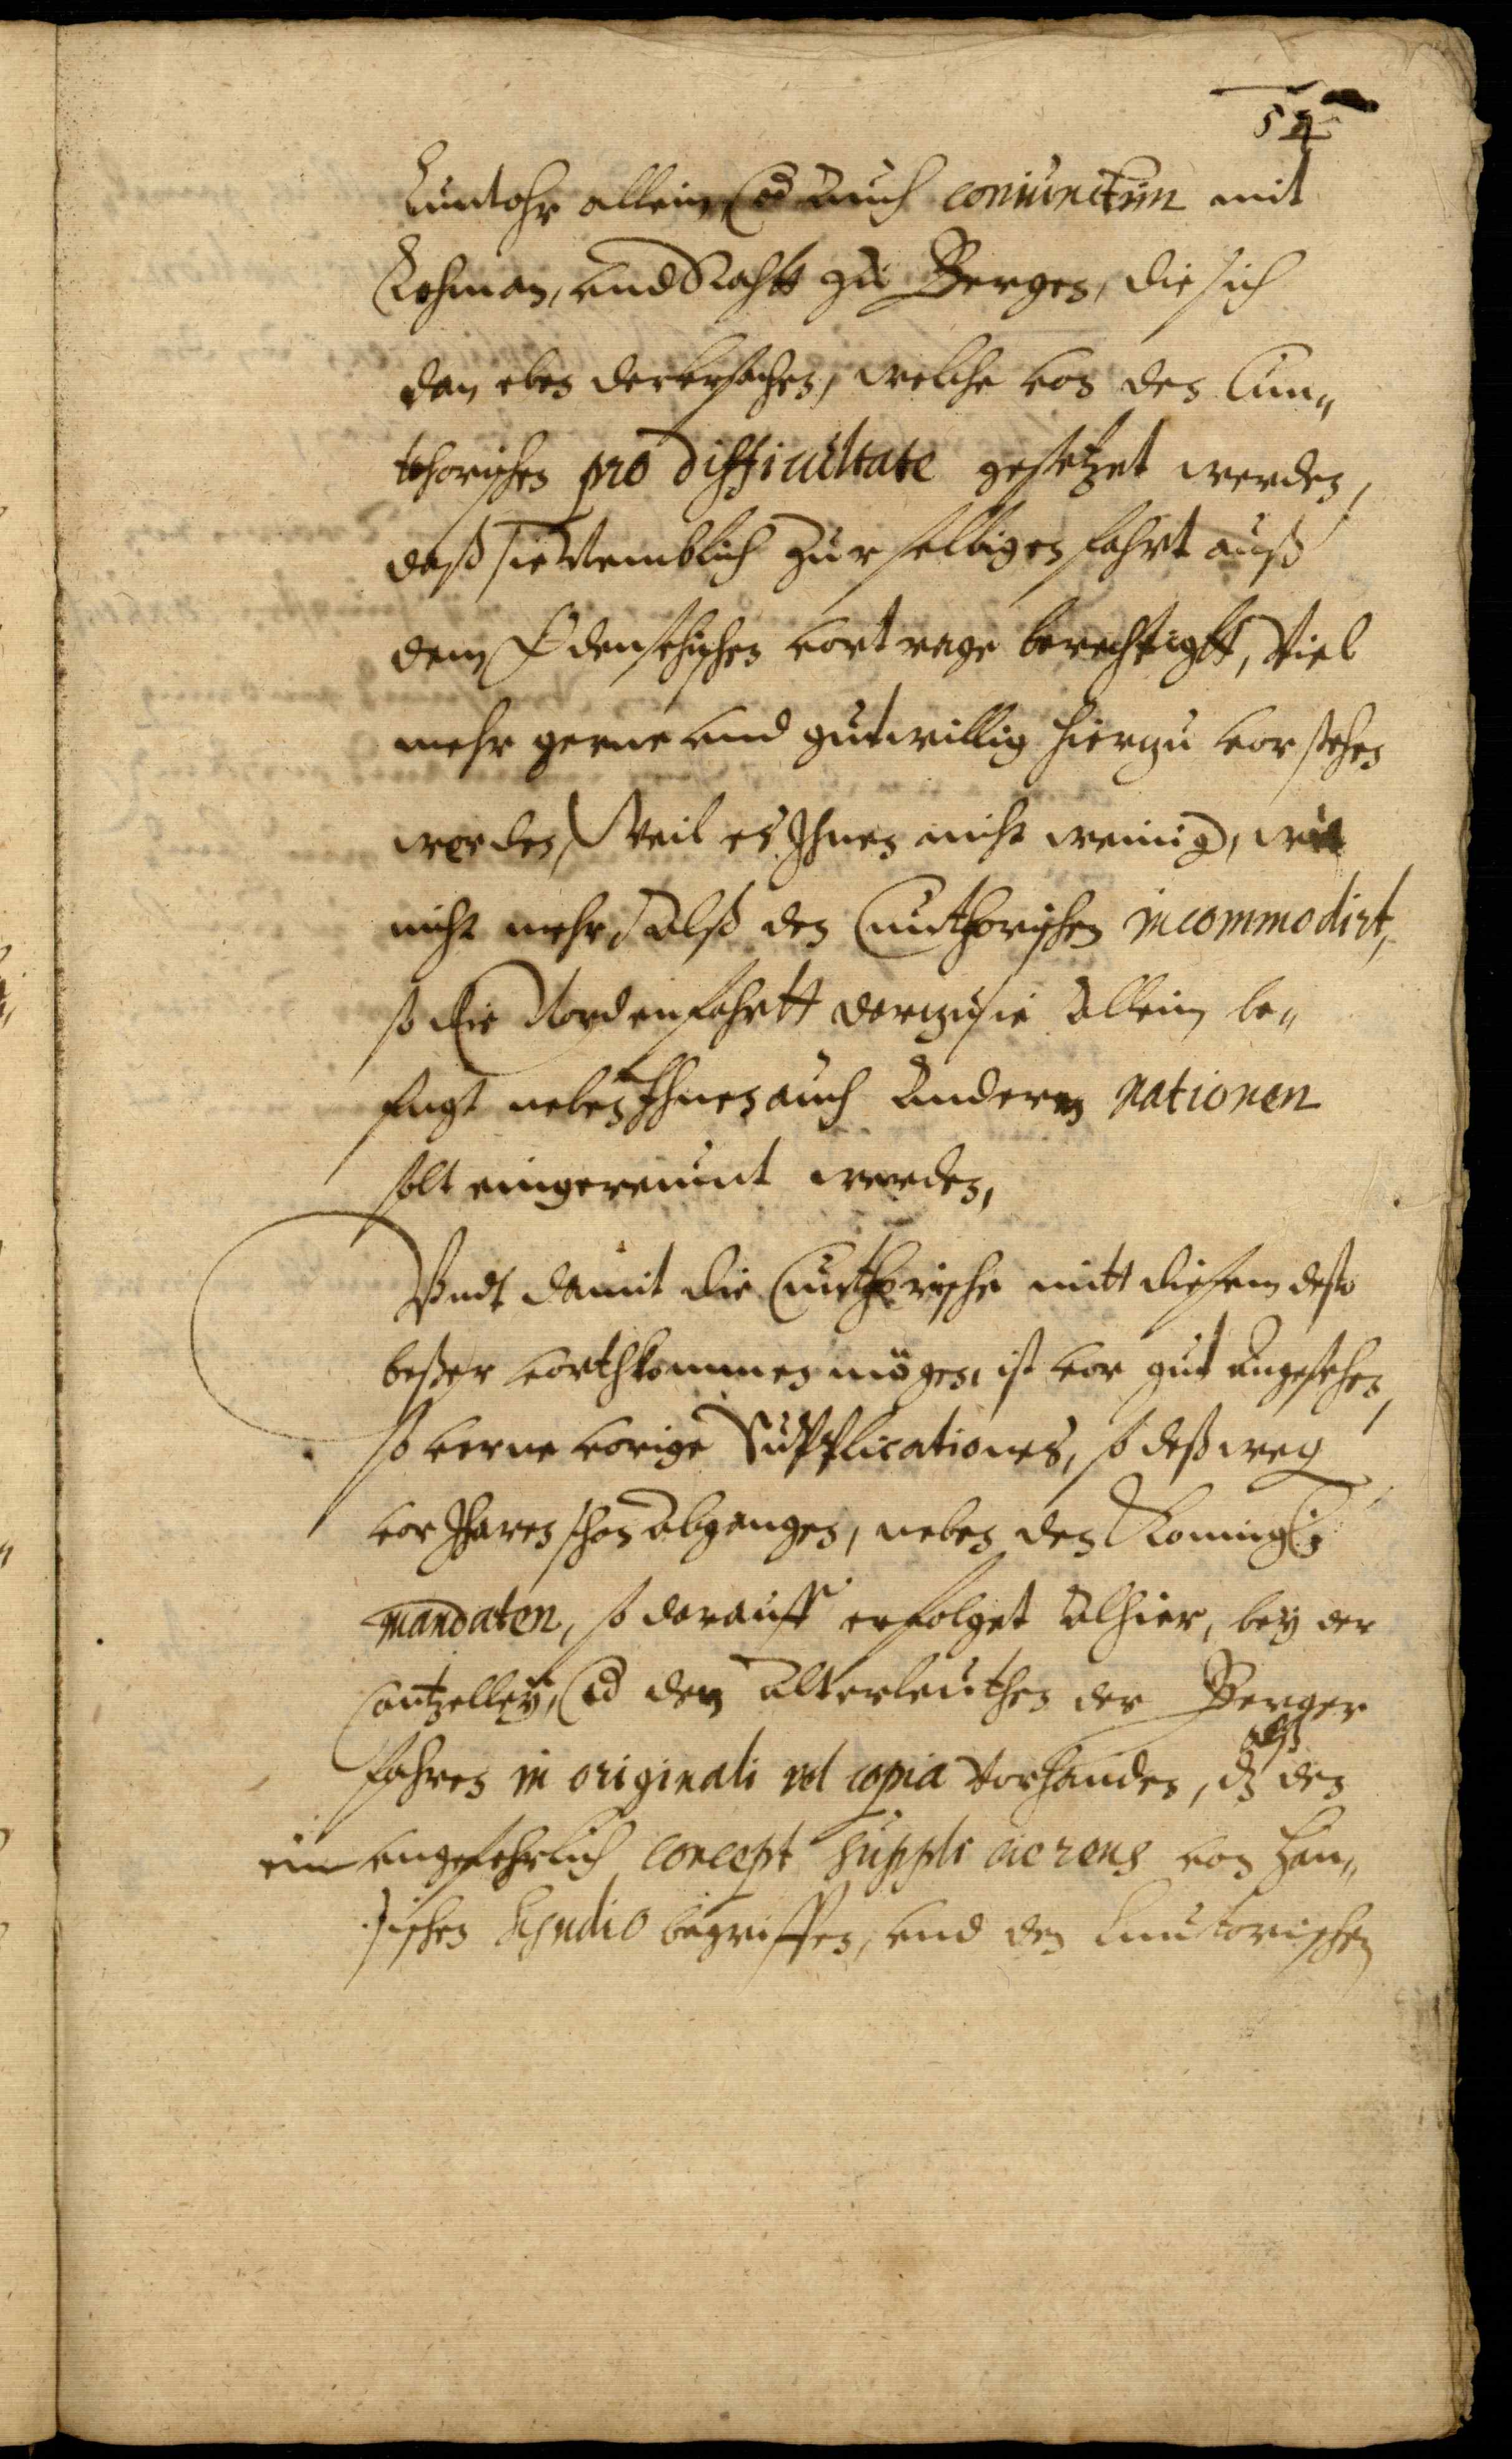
54
Cuntohr allein oder auch coniunctim mit
Cohman, vnd Rahtt zu Bergen,die sich
dan eben dervrsachen, welche von den Cun¬
thorischen pro difficultate gesetzet werden,
daß sie Nemblich zur selbigen fahrt auß
dem Odensehischen vortrage berechtigtt, Viel
mehr gerne vnd gutwillig hierzu vor stehen
werden, Weil es Ihnen nicht weiniger, wie
nicht mehr, Alß den Cunthorischen incommodirt,
so die Nordenfahrtt darzu sie Allein be¬
fugt neben Ihnen auch Andern nationen
solt eingereumt werden,
Vndt damit die Cunthorische mitt diesem desto
beßer vorthkommen mögen, ist vor gut Angesehen,
so verne vorige Supplicationes, so deßwegen
vor Jharen schon Abgangen, neben den Konnigl:
mandaten, so dorauff erfolget Alhier, beij der
Cantzelleij, oder den Alterleuthen der Berger
alß
fahren in originali vel copia vorhanden, das den
ein vngefehrlich concept supplicierens von Han¬
sischen Syndico begriffen, vnd den Cuntorischen
